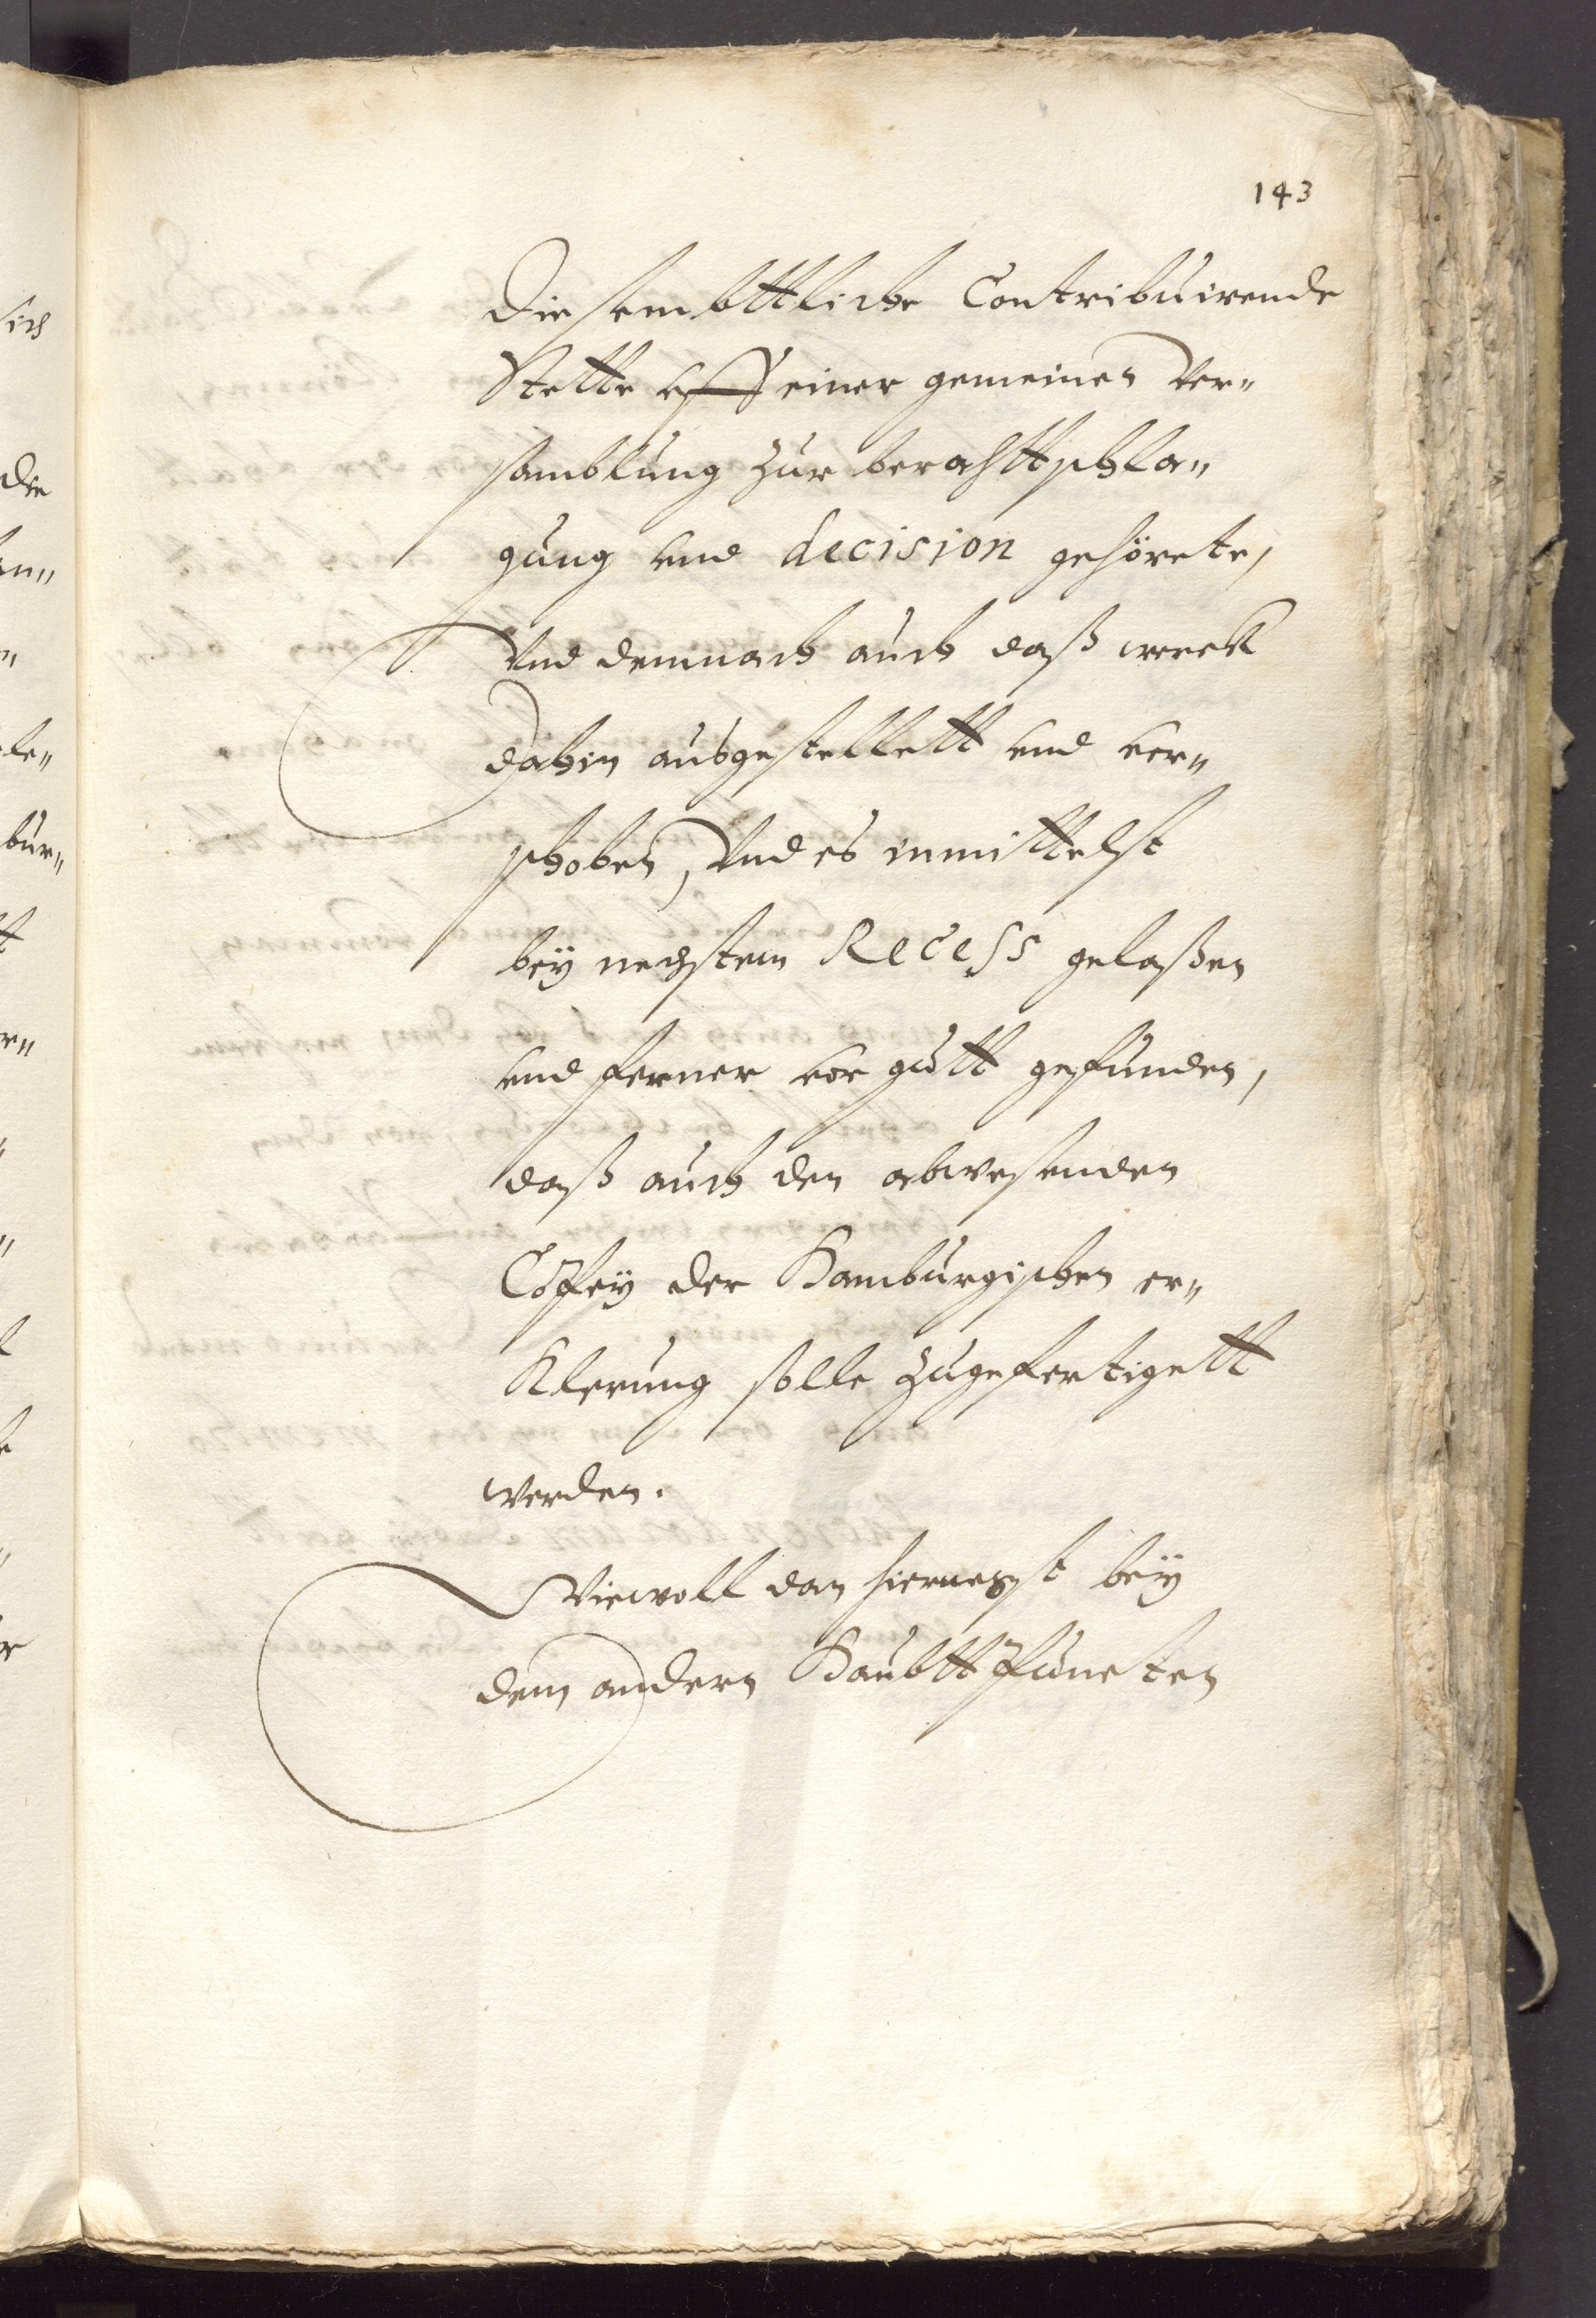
143
die sembttliche contribuirende
Stette vff einer gemeinen ver¬
samblung zur berahttschla¬
gung vnd decision gehörete,
vnd demnach auch daß werck
dahin ausgestellett vnd ver¬
schoben, vnd es inmittelst
beij nechstem Recess gelaßen
vnd ferner vor gutt gefunden,
daß auch den abwesenden
Copeij der Hamburgischen er¬
klerung solle zugefertigett
werden.
Wiewoll dan hiernegst beij
dem andern Haubtt Puncten
